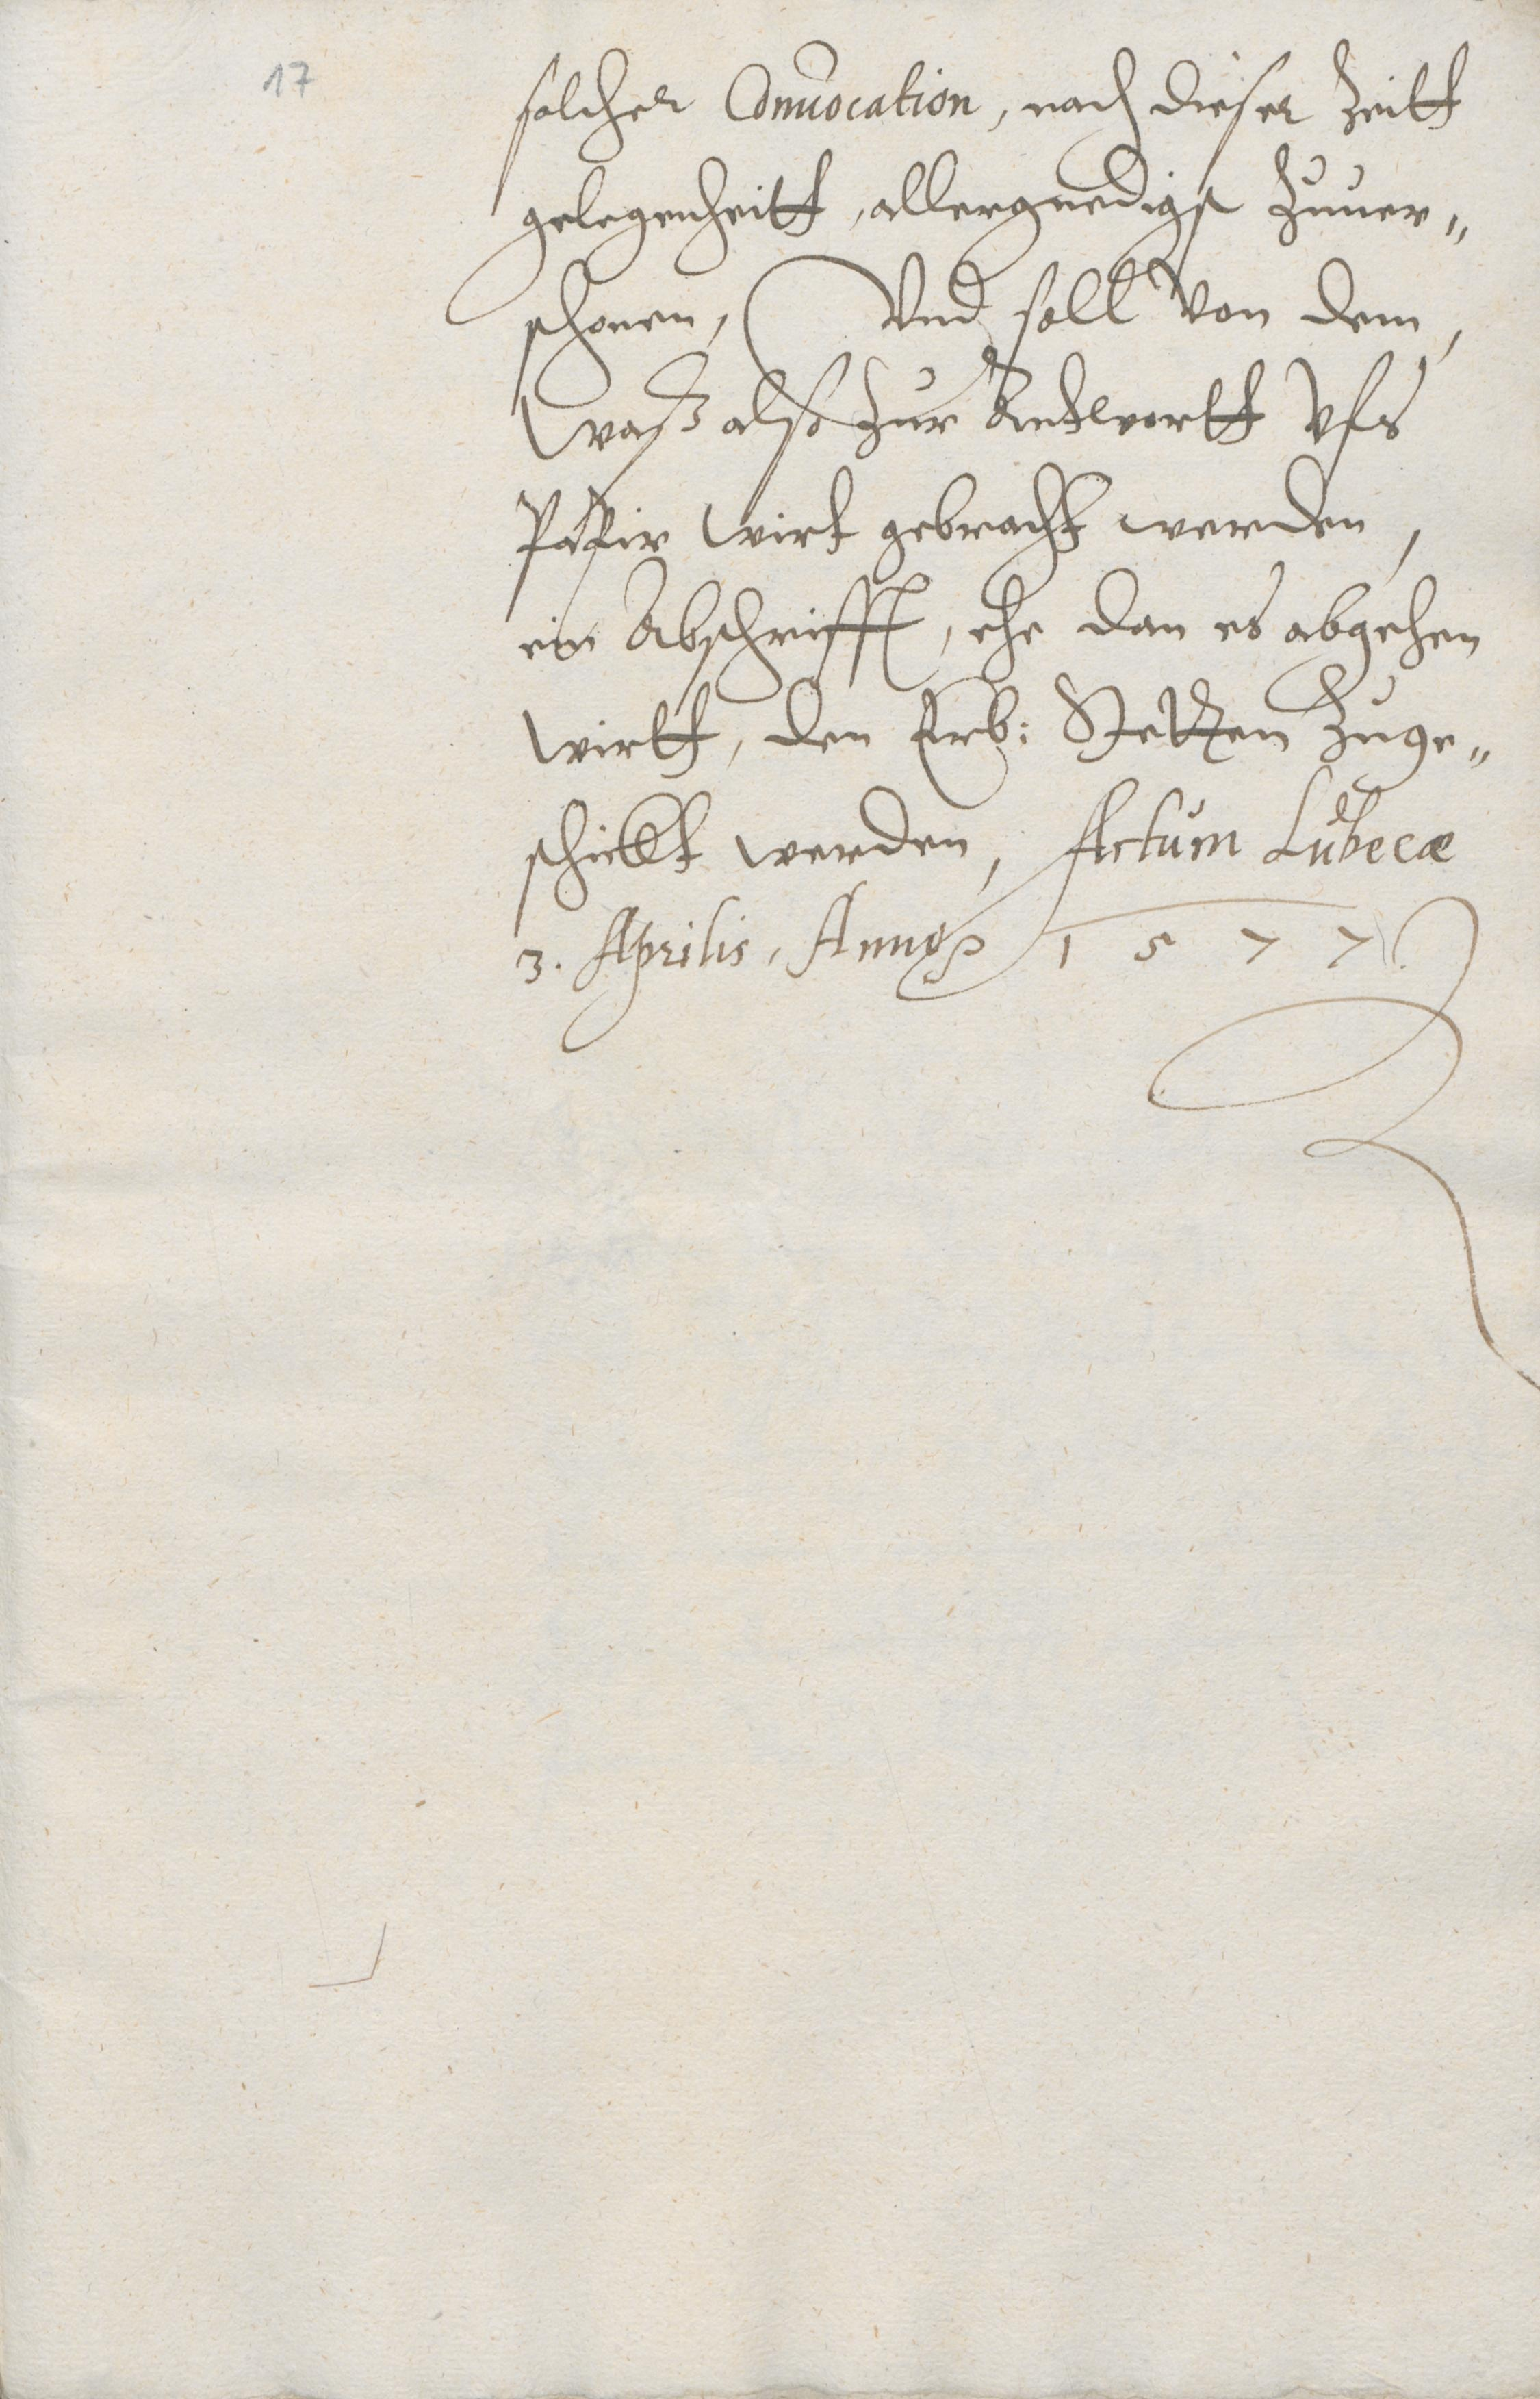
solcher Conuocation, nach dieser zeitt
gelegenheitt, allergnedigst zuuer¬
schonen, vnd soll von dem,
waß also zur Antwortt vfs
papir wirt gebracht werden,
ein Abschrifft, ehe dan es abgehen
wirtt, den Erb: Stetten zuge¬
schickt werden, Actum Lubecae
3. Aprilis, Anno p 1577
